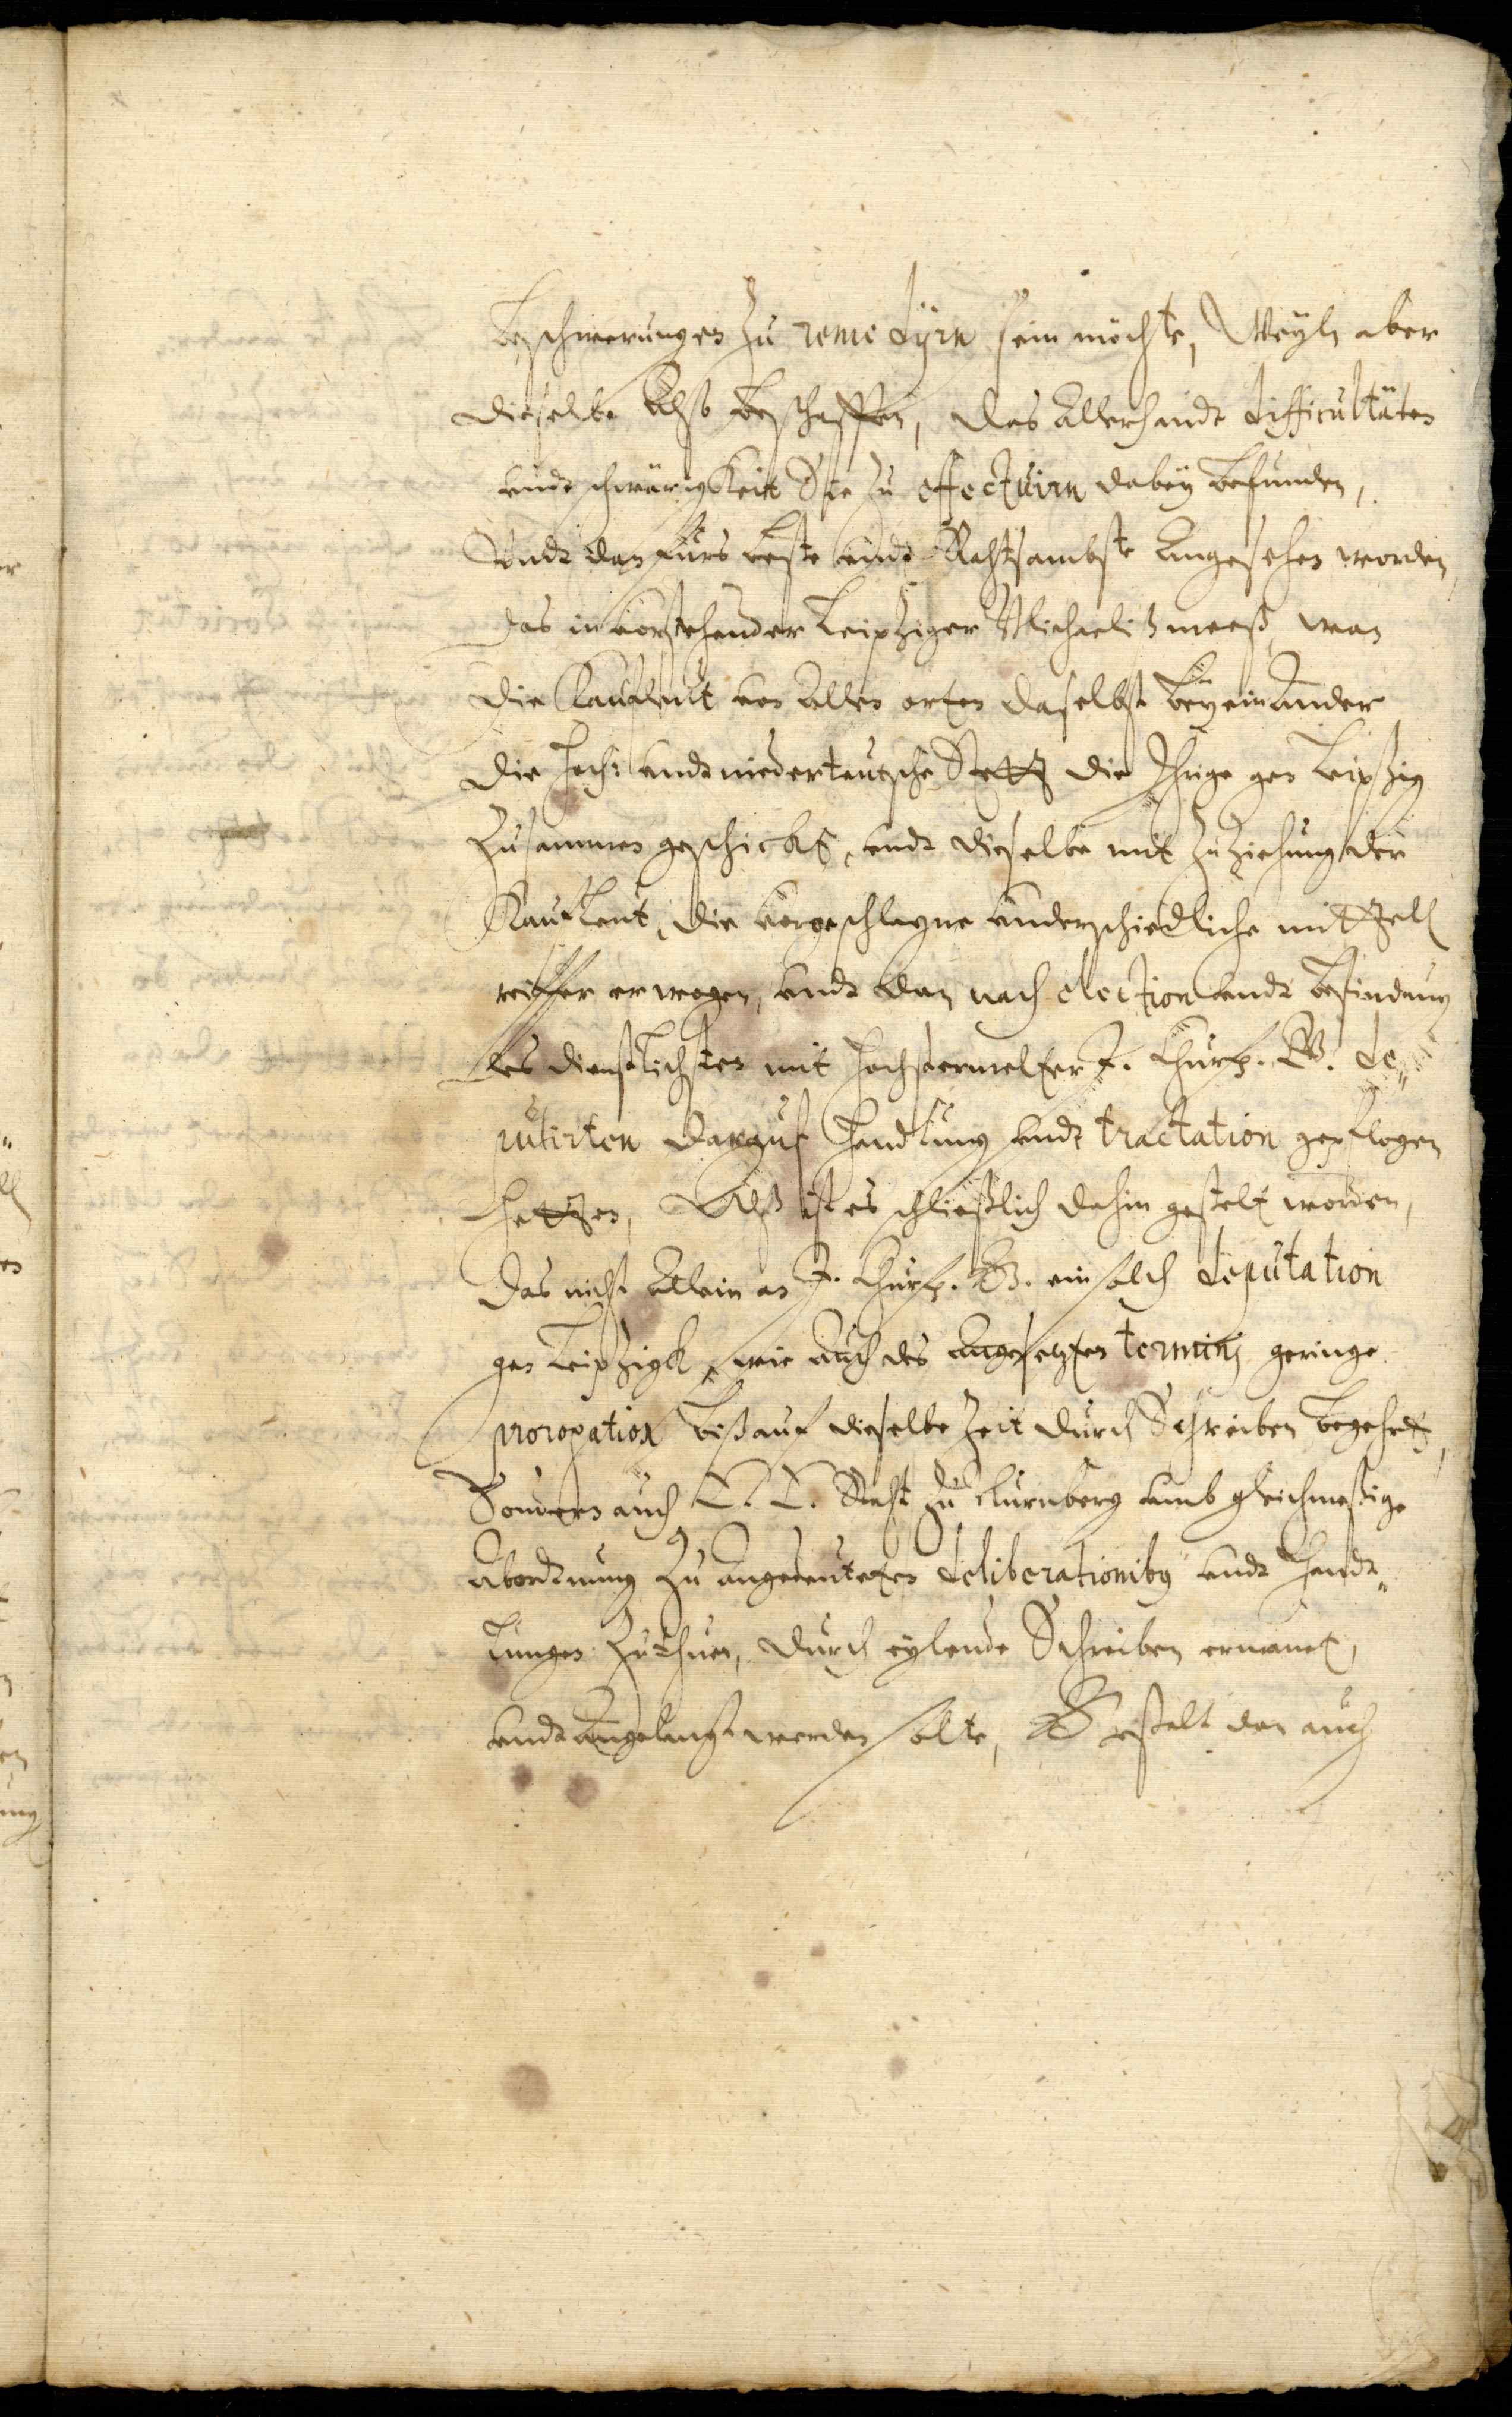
beschwerungen zu remedijrn sein möchte, Weijln aber
dieselbe, also beschaffen, das allerhandt difficultäten
vndt schwärigkeitt Sie zu effectuirn dabeij befunden,
vndt dan furs beste vndt Rahtsambste angesehen worden,
das in vorstehender Leipziger Michaeliß meeß, wan
die Kaufleut von allen orten daselbst beij einander
die hoch: vndt niederteutsche Stett die Ihrige gen Leipzig
zusammen geschickt, vndt dieselbe mit zuziehung der
Kaufleut, die vorgeschlagne vnderschiedliche mittell
reiffer erwogen, vndt dan nach election vndt befindung
des dienstlichsten mit hochstermelter I. Churfg. G. de¬
putirten darauf handlung vndt tractation gepflogen
hetten, alß ist es schließlich dahin gestelt worden,
das nicht allein an I. Churfg. G. ein solch deputation
gen Leipzigk wie auch des angesetzten terminj geringe
prorogation biß auf dieselbe zeit durch Schreiben begehrt,
Sondern auch E. E. Raht zu Nurnberg vmb gleichmeßige
abordnung zu angedeuteten deliberationibus vndt handt¬
lungen zu thuen, durch eijlende Schreiben ermanet,
vndt angelangt werden solte, Gestalt dan auch
